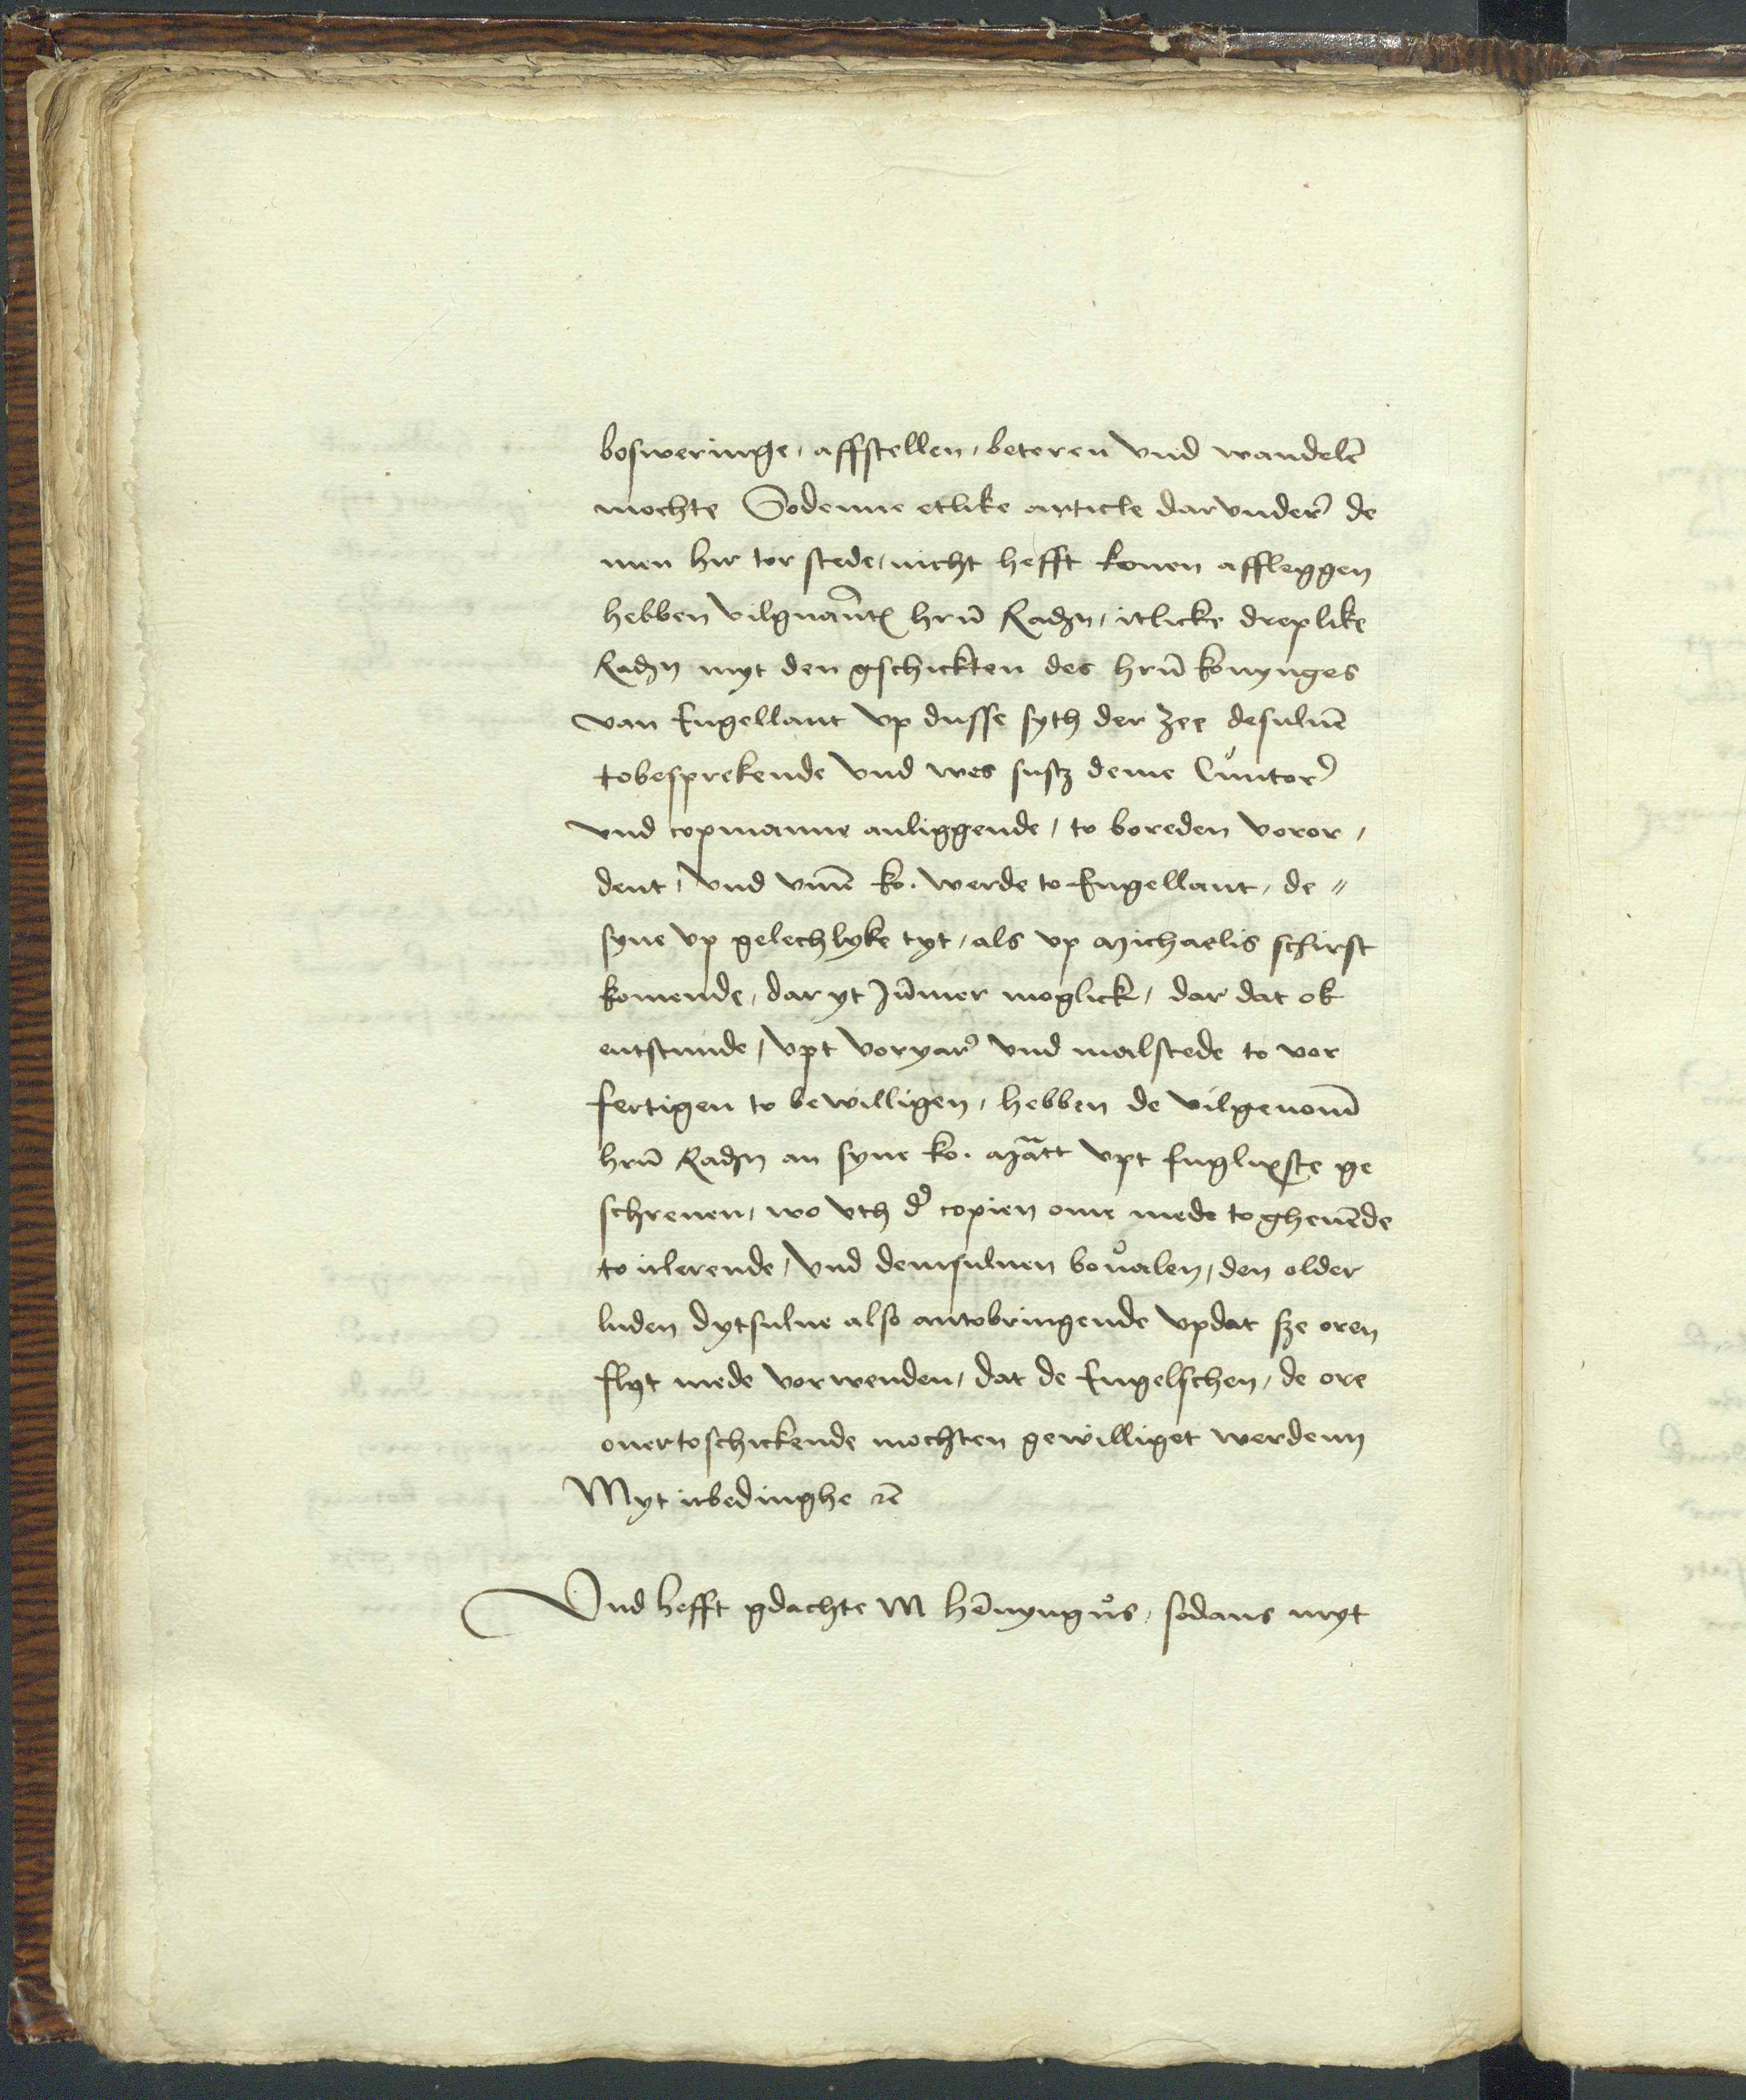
bosweringe, affstellen, beteren vnd wandelen
mochte Sodenne atlike article darvnder de
men hir to stede, nicht hefft konen affleggen
hebben vilgnannten hern Radessendebaden, itlike dreplike
Radessendebaden myt den gschickten des hern konynges
van Engellant vp dusse syth der Zee desuluen
tobesprekende vnd wes sustz deme Cuntor
vnd copmanne anliggende, to boreden voror¬
dent, vnd vmme ko. werde to Engellant, de¬
syne vp gelechliyke tyt, als vp michaelis schirst¬
komende, dar yt Jummer moglick, dar dat ok
entstunde, vpt voryar vnd malstede to vor¬
fertigen to bewilligen, hebben de vilgenomede
hern Radessendebaden an syne ko. matt vpt fuglixste ge¬
schreuen, wo vth der copien ome mede to gheuende
to irlerende, vnd demsuluen boualen, den older¬
luden dytsulue also antobringende vpdat sze oren
flyt mede vorwenden, dat de Engelschen, de ore
ouertoschickende mochten gewilliget werdenn
Myt irbedinghe etc
Vnd hefft gdachte M hennyngus, sodans myt
